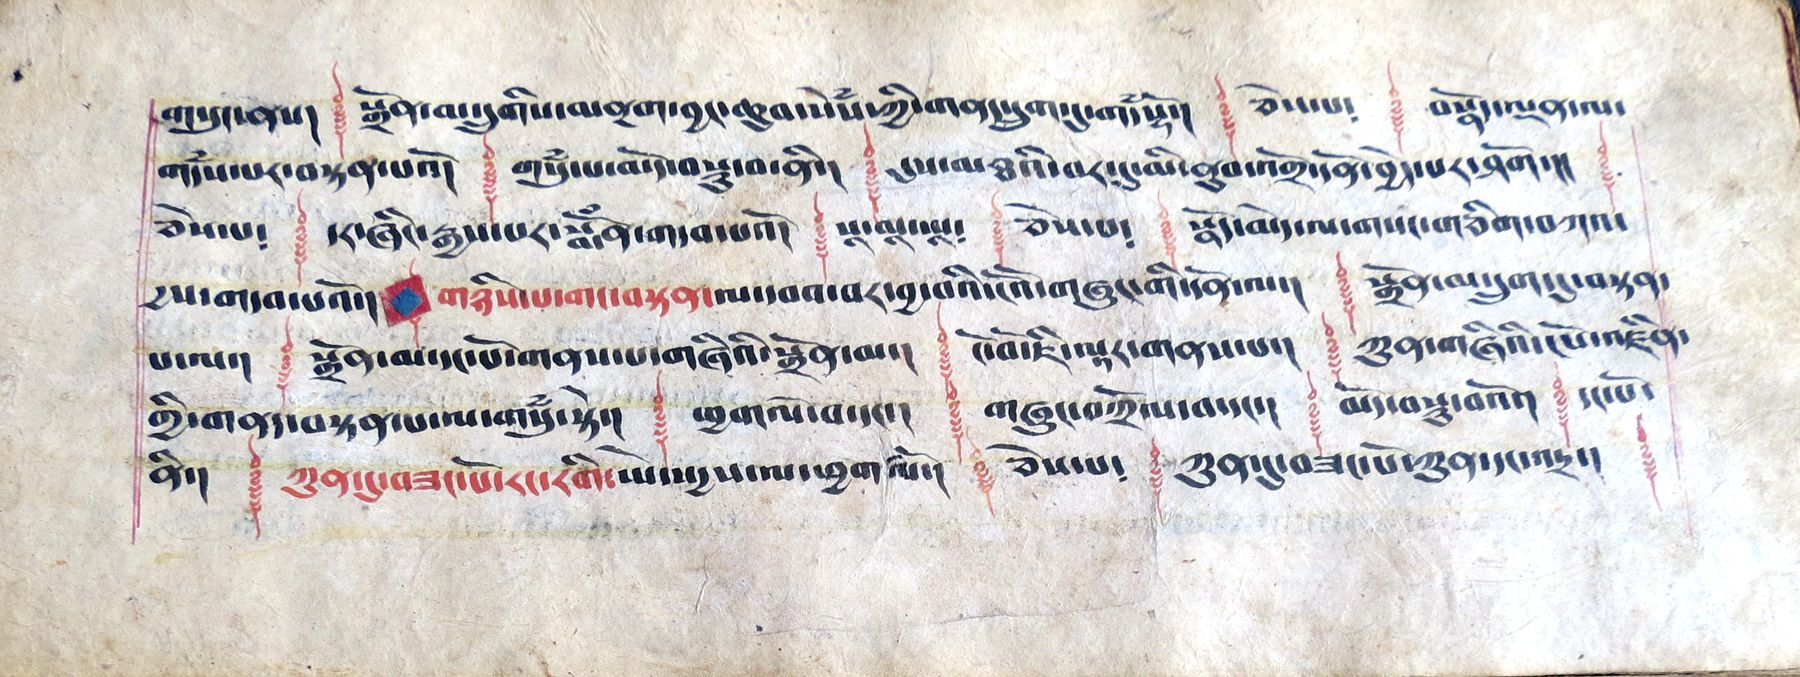གསུངས་ནས་སྒྲོན་མ་རྣམ་པ་དྲུག་གི་མན་ངག བྱང་ཆུབ་སེམས་ཀྱི་གནད་དྲུག་ཏུ་གདམས་སོ། །ཞེས་པས། སྣོད་ལྡན་ལ་
གདམས་པར་བསྟན་པའོ། །གསུམ་པ་མདོ་བསྡུ་བ་ནི། དུས་མཐའི་བར་དུ་མི་ནུབ་འགྲོ་དོན་བྱེད་པར་ཤོག །
ཅེས་པས་དར་ཞིང་རྒྱས་པར་སྨོན་ལམ་བཏབ་པའོ། ། ས་མ་ཡ། །ཞེས་པས་སྣོད་མེད་ལ་གསོངས་ཤིག་བཀའ་
རྒྱས་གདབ་པའོ། །ཀ༽ གཉིས་པ་གང་གཏན་ལ་དབབ་པར་བྱ་བའི་ངོ་བོ་གཞུང་གི་དོན་ལ། སྒྲོན་མ་དྲུག་ཏུ་བསྟན་
པ་ལ། སྒྲོན་མ་དང་པོ་གནས་པ་གཞིའི་སྒྲོན་མ་ངོ་བོ་ཇི་ལྟར་གནས་པ་ཀུན་གཞི་ངོས་འཛིན་
གྱི་གནད་བསྟན་པ་ལ་གསུམ་སྟེ། ཕྱག་འཚལ་བ་དང་། གཞུང་བཀྲོལ་བ་དང་། མདོ་བསྡུ་བའོ། །དང་པོ་
ནི། ཀུན་ཏུ་བཟང་པོ་རང་རིག་ཡེ་སངས་རྒྱས་ལ་ཕྱག་འཚལ་ལོ། །ཞེས་པས། ཀུན་ཏུ་བཟང་པོ་ཀུན་༼གོང་༽དང་འདྲ།